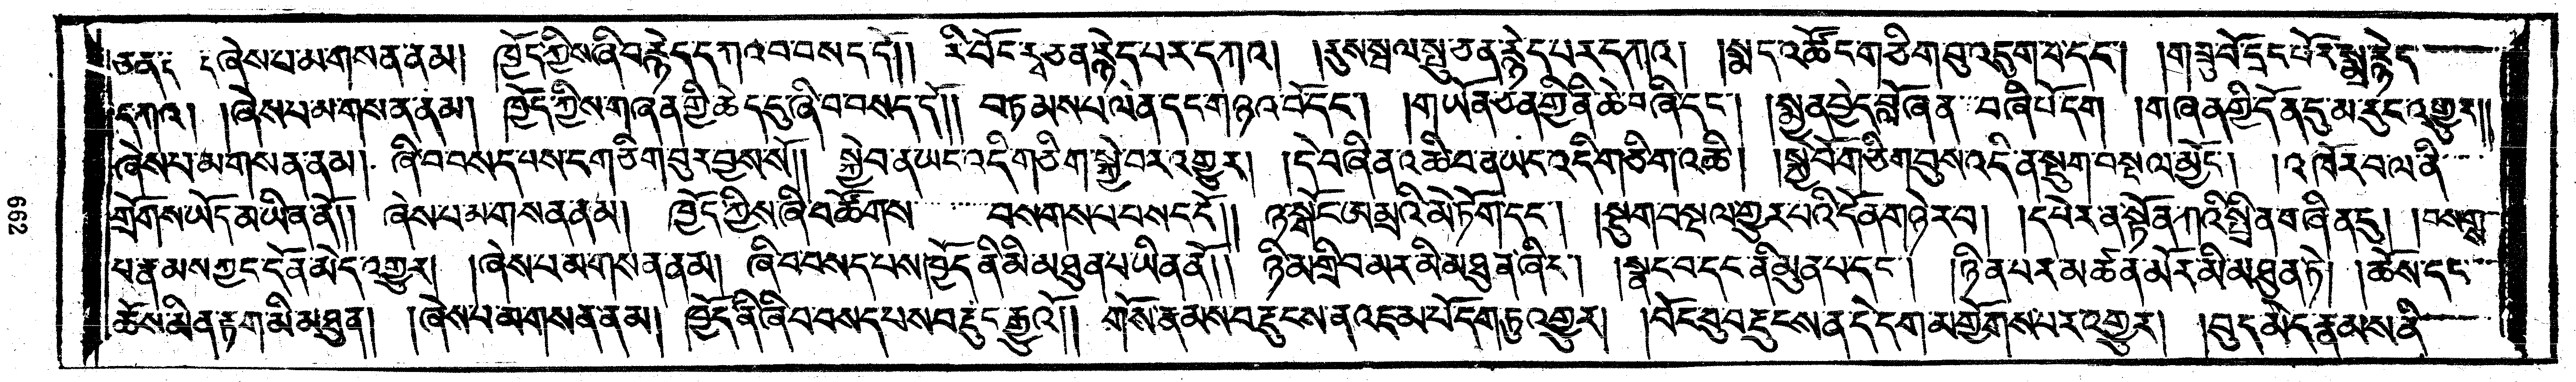ཅན༑ ༑ཞེས་པ་མ་གསན་ནམ། ཁྱོད་ཀྱིས་ཞི་བརྙེད་དཀའ་བ་བསད་དོ།། རི་བོང་རྭ་ཅན་རྙེད་པར་དཀའ། །རུས་སྦལ་སྤུ་ཅན་རྙེད་པར་དཀའ། །སྨད་འཚོང་གཅིག་བུ་འདུག་པ་དང་། །གཟུ་བོ་དྲང་པོར་སྨྲ་རྙེད་
དཀའ། །ཞེས་པ་མ་གསན་ནམ། ཁྱོད་ཀྱིས་གཞན་གྱི་ཆེད་དུ་ཞི་བ་བསད་དོ།། བཏམས་པ་ལེན་དང་གཉའ་བོ་དང་། །གཡོན་ཅན་གྱི་ནི་ཆེ་བཞི་དང་། །སྨྱན་བྱེད་བློ་ཞན་བཞི་པོ་དག །གཞན་གྱི་དོན་དུ་མ་རུང་འགྱུར།།
ཞེས་པ་མ་གསན་ནམ། ཞི་བ་བསད་པས་ང་གཅིག་བུར་བྱས་སོ།། སྐྱེ་བ་ན་ཡང་འདི་གཅིག་སྐྱེ་བར་འགྱུར། །དེ་བཞིན་འཆི་བ་ན་ཡང་འདི་གཅིག་འཆི། །སྐྱེ་བོ་གཅིག་བུས་འདི་ན་སྡུག་བསྔལ་མྱོང་། །འཁོར་བ་ལ་ནི་
གྲོགས་ཡོད་མ་ཡིན་ནོ།། ཞེས་པ་མ་གསན་ནམ། ཁྱོད་ཀྱིས་ཞི་བ་ཚོགས་བསགས་པ་བསང་ངོ།། ཉ་སྒོང་ཨ་མྲའི་མེ་ཏོག་དང་། །སྡུག་བསྔལ་གྱུར་པའི་དོན་གཉེར་བ། །དཔེར་ན་སྟོན་ཀའི་སྤྲིན་བཞིན་དུ། །བསགས་
པ་རྣམས་ཀྱང་དོན་མེད་འགྱུར། །ཞེས་པ་མ་གསན་ནམ། ཞི་བ་བསད་པས་ཁྱོད་ནི་མི་མཐུན་པ་ཡིན་ནོ།། ཉི་མགྲིབ་མར་མི་མཐུན་ཞིང་། །སྣང་བ་དང་ནི་མུན་པ་དང་། །ཉིན་པར་མཚན་མོར་མི་མཐུན་ཏེ། །ཆོས་དང་
ཆོས་མིན་རྟག་མི་མཐུན། །ཞེས་པ་མ་གསན་ནམ། ཁྱོད་ནི་ཞིབ་བསད་པས་བརྡུང་རྒྱུའོ།། གོས་རྣམས་བརྡུངས་ན་འཇམ་པོ་དག་ཏུ་འགྱུར། །བོང་བུ་བརྡུངས་ན་དེ་དག་མགྱོགས་པར་འགྱུར། །བུད་མེད་རྣམས་ནི་